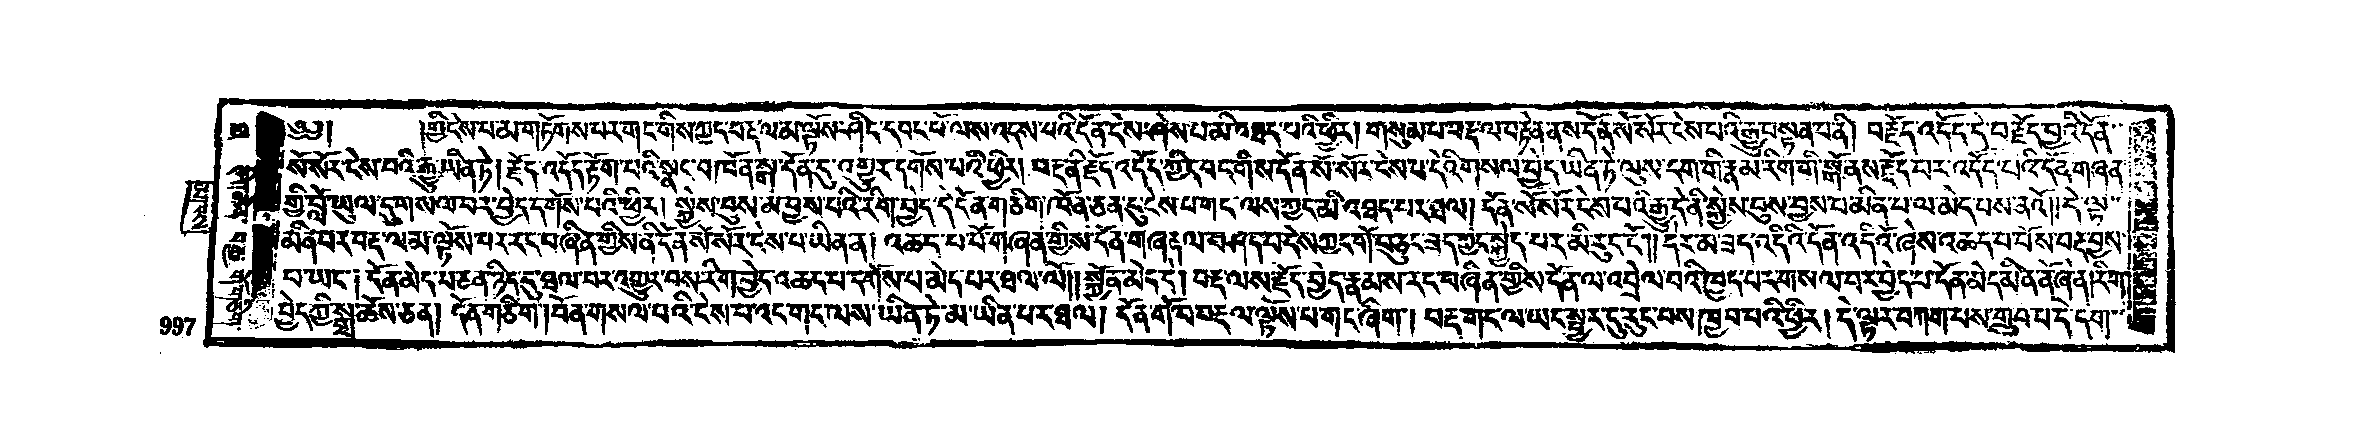༄༅། །གྱི་ངེས་པ་མ་གཏོགས་པར་གང་གིས་ཀྱང་བརྡ་ལ་མ་ལྟོས་ཤིང་དབང་པོ་ལས་འདས་པའི་དོན་ངེས་ཤེས་པ་མི་འཐད་པའི་ཕྱིར། གསུམ་པ་བརྡའ་ལ་བརྟེན་ནས་དོན་སོ་སོར་ངེས་པའི་རྒྱུ་བསྟན་པ་ནི། བརྗོད་འདོད་དེ་བརྗོད་བྱའི་དོན་
སོ་སོར་ངེས་པའི་རྒྱུ་ཡིན་ཏེ། རྗོད་འདོད་རྟོག་པའི་སྣང་བ་ཁོ་ན་སྒ་དོན་དུ་འགྱུར་དགོས་པའི་ཕྱིར་བརྡ་ནི་རྗོད་འདོད་ཀྱི་དབང་གིས་དོན་སོ་སོར་ངེས་པ་དེའི་གསལ་བྱེད་ཡིན་ཏེ་ལུས་ངག་གི་རྣམ་རིགས་གི་སྒོ་ནས་རྗོད་པར་འདོད་པའི་དོན་གཞན་
གྱི་བློ་ཡུལ་དུ་གསལ་བར་བྱེད་དགོས་པའི་ཕྱིར། སྐྱེས་བུས་མ་བྱས་པའི་རིག་བྱེད་དེ་དོན་གཅིག་ཁོ་ན་ཅན་དུ་ངེས་པ་གང་ལས་ཀྱང་མི་འཐད་པར་ཐལ། དོན་སོ་སོར་ངེས་པའི་རྒྱུ་དེ་ནི་སྐྱེས་བུས་བྱས་པ་མིན་པ་ལ་མེད་པས་ནའོ། །དེ་ལྟ་
མིན་པར་བརྡ་ལ་མ་ལྟོས་པར་རང་བཞིན་གྱིས་ནི་དོན་སོ་སོར་ངེས་པ་ཡིན་ན། འཆད་པ་པོ་གཞན་གྱིས་དོན་གཞན་ལ་བཤད་པ་དེས་ཀྱང་གོ་བ་ཅུང་ཟད་ཀྱང་སྐྱེད་པར་མི་རུང་ངོ། །དེར་མ་ཟད་འདིའི་དོན་འདིའོ་ཞེས་འཆད་པ་པོས་བརྡ་བྱས་
པ་ཡང་། དོན་མེད་པ་ཅན་ཉིད་དུ་ཐལ་བར་འགྱུར་བས་རིག་བྱེད་འཆད་པ་དགོས་པ་མེད་པར་ཐལ་ལོ། །སྐྱོན་མེད་དེ། བརྡ་ལས་རྗོད་བྱེད་རྣམས་རང་བཞིན་གྱིས་དོན་ལ་འབྲེལ་བའི་ཁྱད་པར་གསལ་བར་བྱེད་པ་དོན་མེད་མིན་ནོ་ཞེ་ན། རིག་
བྱེད་ཀྱི་སྒྲ་ཆོས་ཅན། དོན་གཅིག །བོན་གས་བའི་ངེས་པའང་ལས་ཡིན་ཏེ་མ་ཡིན་པར་ཐལ། དོན་གོ་བ་བརྡ་ལ་ལྟོས་པ་གང་ཞིག །བརྡ་གང་ལ་ཡང་སྦྱར་དུ་རུང་བས་ཁྱབ་པའི་ཕྱིར། དེ་ལྟར་བཀག་པས་གྲུབ་པ་དེ་དག་